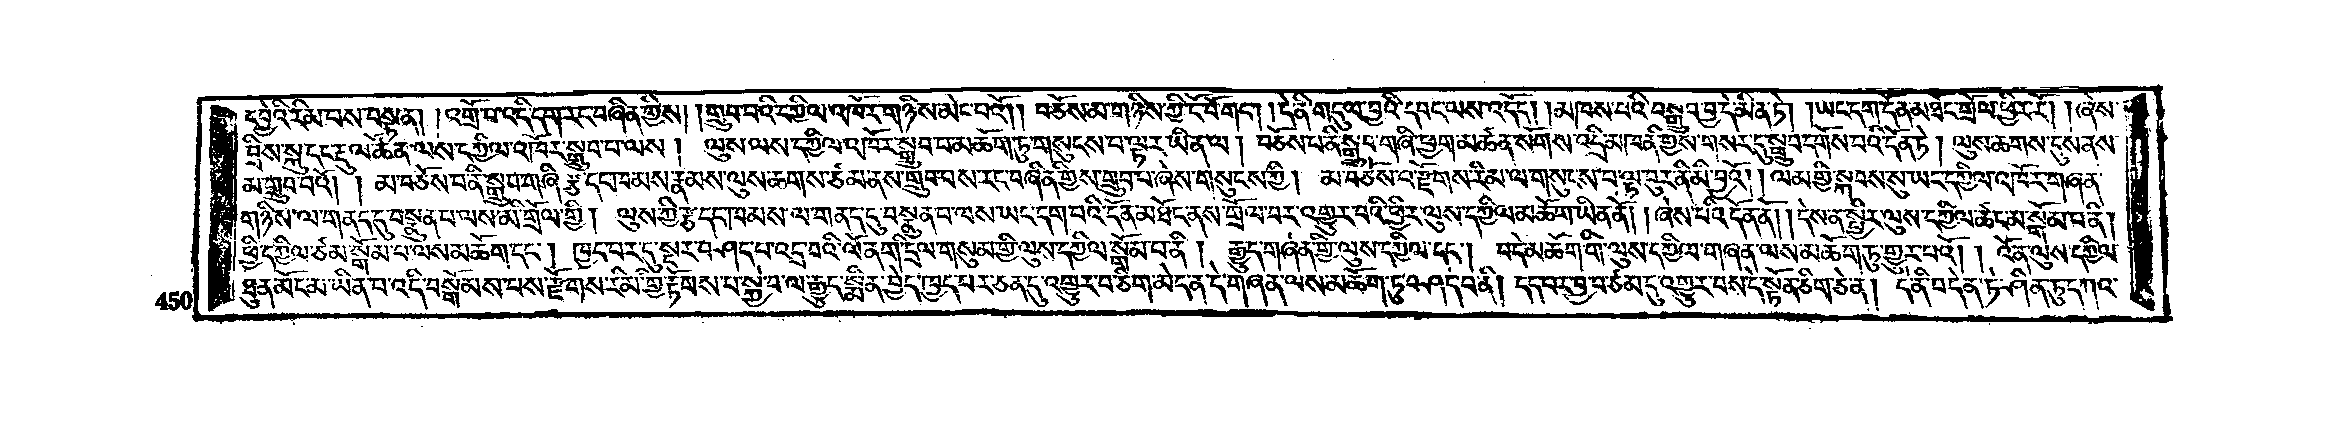དབྱེའི་རིམ་པས་བསྟན། །འགྲོ་བ་འདི་དག་རང་བཞིན་གྱིས། །གྲུབ་པའི་དཀྱིལ་འཁོར་གཉིས་མེད་པའོ། །བཅོས་མ་གཉིས་ཀྱི་ངོ་བོ་གང་། །དེ་ནི་གདུལ་བྱའི་དབང་ལས་འདོད། །མཁས་པའི་བསྒྲུབ་བྱ་དེ་མིན་ཏེ། །ཡང་དག་དོན་མཐོང་གྲོལ་ཕྱིར་རོ། །ཞེས་
བྲིས་སྐུ་དང་རྡུལ་ཚོན་ལས་དཀྱིལ་འཁོར་སྒྲུབ་པ་ལས། ལུས་ལས་དཀྱིལ་འཁོར་སྒྲུབ་པ་མཆོག་ཏུ་གསུངས་པ་ལྟར་ཡིན་ལ། བཅོས་པ་ནི་སྒྲུབ་གཞི་ཕྱག་མཚན་སོགས་འདྲི་མཁན་གྱིས་གསར་དུ་སྒྲུབ་དགོས་པའི་དོན་ཏེ། ལུས་ཆགས་དུས་ནས་
མ་གྲུབ་པའོ། །མ་བཅོས་པ་ནི་སྒྲུབ་གཞི་རྩ་དང་ཁམས་རྣམས་ལུས་ཆགས་ཙམ་ནས་གྲུབ་པས་རང་བཞིན་གྱིས་གྲུབ་པ་ཞེས་གསུངས་ཀྱི། མ་བཅོས་པ་རྫོགས་རིམ་ལ་གསུངས་པ་ལྟ་བུར་ནི་མི་བྱའོ། །ལམ་གྱི་སྐབས་སུ་ཡང་དཀྱིལ་འཁོར་གཞན་
གཉིས་ལ་གནད་དུ་བསྣུན་པ་ལས་མི་གྲོལ་གྱི། ལུས་ཀྱི་རྩ་དང་ཁམས་ལ་གནད་དུ་བསྣུན་པ་ལས་ཡང་དག་པའི་དོན་མཐོང་ནས་གྲོལ་བར་འགྱུར་བའི་ཕྱིར་ལུས་དཀྱིལ་མཆོག་ཡིན་ནོ། །ཞེས་པའི་དོན་ནོ། །དེས་ན་སྤྱིར་ལུས་དཀྱིལ་ཚང་མ་སྒོམ་པ་ནི།
ཕྱི་དཀྱིལ་ཙམ་སྒོམ་པ་ལས་མཆོག་དང་། ཁྱད་པར་དུ་སྔར་བཤད་པ་འདྲ་བའི་ལོ་ནག་དྲིལ་གསུམ་གྱི་ལུས་དཀྱིལ་སྒོམ་པ་ནི། རྒྱུད་གཞན་གྱི་ལུས་དཀྱིལ་དང་། བདེ་མཆོག་གི་ལུས་དཀྱིལ་གཞན་ལས་མཆོག་ཏུ་གྱུར་བའོ། །འོ་ན་ལུས་དཀྱིལ་
ཐུན་མོང་མ་ཡིན་པ་འདི་བསྒོམས་པས་རྫོགས་རིམ་གྱི་རྟོགས་པ་སྐྱེ་བ་ལ་རྒྱུད་སྨིན་བྱེད་ཁྱད་པར་ཅན་དུ་འགྱུར་བ་ཅིག་མེད་ན་དེ་གཞན་ལས་མཆོག་ཏུ་བཤད་པ་ནི། དད་པར་བྱ་བ་ཙམ་དུ་འགྱུར་བས་དེ་སྟོན་ཅིག་ཅེ་ན། དེ་ནི་བདེན་ཏེ་ཤིན་ཏུ་དཀའ་